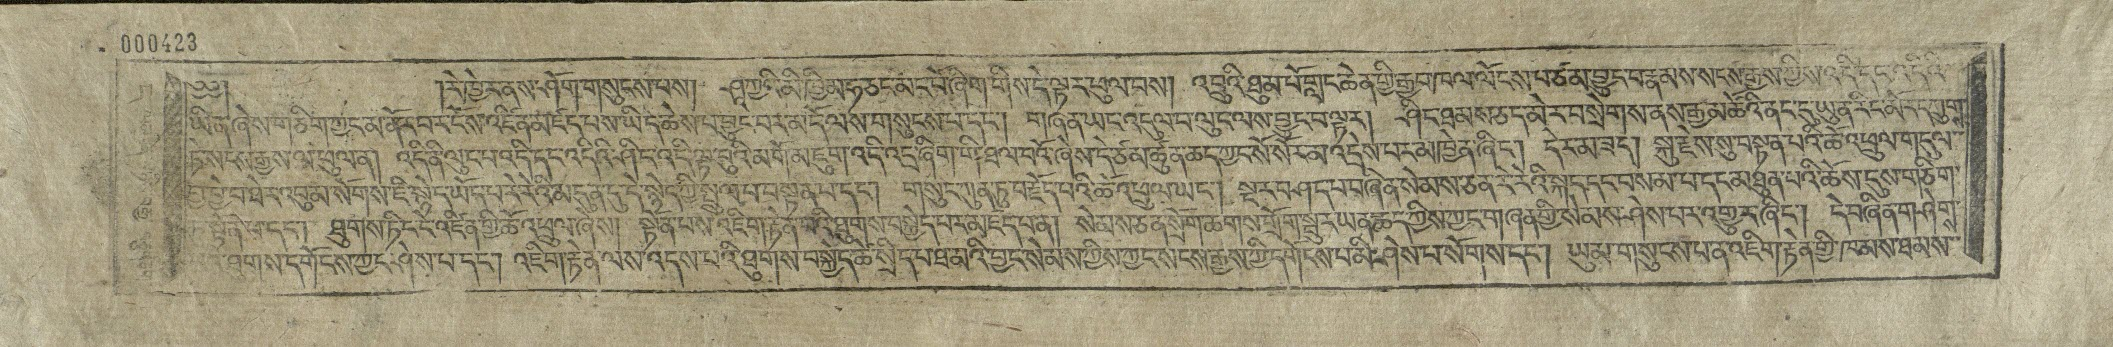༄༅། །རེ་ཁྱེར་ནས་ཤོག་གསུངས་པས། ཤཱཀྱའི་མི་ཁྱིམ་ཧ་ཅང་མང་པོ་ཞིག་གིས་དེ་ལྟར་ཕུལ་བས། འབྲུའི་ཐུམ་པོ་གླང་ཆེན་གྱི་རྒྱབ་ཁལ་ལོངས་པ་ཙམ་བྱུང་བ་རྣམས་སངས་རྒྱས་ཀྱིས་འདི་དང་འདིའི་
ཡིན་ཞེས་གཅིག་ཀྱང་མ་ནོར་བར་ངོས་འཛིན་མཛད་པས་ཡིད་ཆེས་པ་བྱུང་བར་མདོ་ལས་གསུངས་པ་དང་། གཞན་ཡང་འདུལ་བ་ལུང་ལས་བྱུང་བ་ལྟར། ཤིང་ཐམས་ཅད་མེར་བསྲེགས་ནས་རྒྱ་མཚོའི་ནང་དུ་ཡུན་རིང་མོར་དཀྲུགས་
ཏེ་སངས་རྒྱས་ལ་ཕུལ་ན། འདི་ནི་ལུང་པ་འདི་དང་འདིའི་ཤིང་འདི་ལྟ་བུའི་མགོ་མཇུག་འདི་འདྲ་ཞིག་གི་ཐལ་བའོ་ཞེས་དེ་ཙམ་ཚུན་ཆད་ཀྱང་སོ་སོར་མ་འདྲེས་པར་མཁྱེན་ཞིང་། དེར་མ་ཟད། སྐུ་རྗེས་སུ་བསྟན་པའི་ཆོ་འཕྲུལ་གདུལ་
བྱ་བྱེ་བ་ཐེར་འབུམ་སོགས་ཇི་སྙེད་ཡོད་པ་རེ་རེའི་མདུན་དུ་དེ་སྙེད་ཀྱི་སྤྲུལ་པ་བསྟན་པ་དང་། གསུང་ཀུན་ཏུ་བརྗོད་པའི་ཆོ་འཕྲུལ་ཡང་། སྔར་བཤད་པ་བཞིན་སེམས་ཅན་རེ་རེའི་སྐད་དང་བསམ་པ་དང་མཐུན་པའི་ཆོས་དུས་གཅིག་
ཏུ་སྟོན་པ་དང་། ཐུགས་ཏིང་ངེ་འཛིན་གྱི་ཆོ་འཕྲུལ་ཞེས། སྟོན་པས་འཇིག་རྟེན་པའི་ཐུགས་བསྐྱེད་པར་མཛད་པ་ན། སེམས་ཅན་སྲོག་ཆགས་གྲོག་སྦུར་ཡན་ཆད་ཀྱིས་ཀྱང་གཞན་གྱི་སེམས་ཤེས་པར་འགྱུར་ཞིང་། དེ་བཞིན་གཤེགས་
པའི་ཐུགས་དགོངས་ཀྱང་ཤེས་པ་དང་། འཇིག་རྟེན་ལས་འདས་པའི་ཐུགས་བསྐྱེད་ཚེ་སྲིད་པ་ཐ་མའི་བྱང་སེམས་ཀྱིས་ཀྱང་སངས་རྒྱས་ཀྱི་དགོངས་པ་མི་ཤེས་པ་སོགས་དང་། ཡུམ་གསུངས་པ་ན་འཇིག་རྟེན་གྱི་ཁམས་ཐམས་